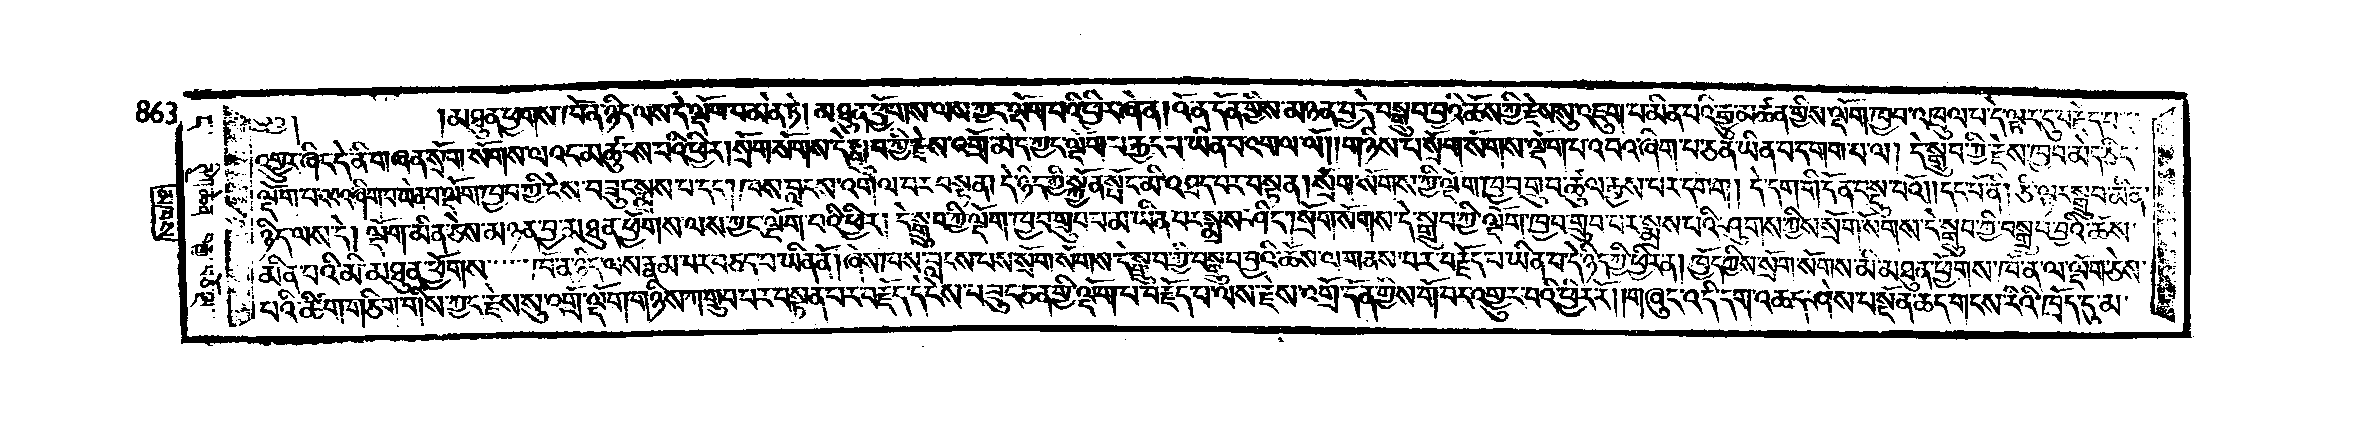༄༅། །མཐུན་ཕྱོགས་ཁོ་ན་ཉིད་ལས་དེ་ལྡོག་པ་མིན་ཏེ། མཐུན་ཕྱོགས་ལས་ཀྱང་ལྡོག་པའི་ཕྱིར་ཞེ་ན། འོ་ན་དོན་གྱིས་མཉན་བྱ་དེ་བསྒྲུབ་བྱའི་ཆོས་ཀྱི་རྗེས་སུ་འཇུག་པ་མིན་པའི་རྒྱུ་མཚན་གྱིས་ལྡོག་ཁྱབ་འཁྲུལ་པ་དེ་ལྟར་དུ་བརྗེད་པར་
འགྱུར་ཞིང་དེ་ནི་གཞན་སྲོག་སོགས་ལའང་མཚུངས་པའི་ཕྱིར། སྲོག་སོགས་དེ་སྒྲུབ་ཀྱི་རྗེས་འགྲོ་མེད་ཀྱང་ལྡོག་པ་རྐྱང་པ་ཡིན་པ་འགལ་ལོ། །གཉིས་པ་སྲོག་སོགས་ལྡོག་པ་འབའ་ཞིག་པ་ཅན་ཡིན་པ་དགག་པ་ལ། དེ་སྒྲུབ་ཀྱི་རྗེས་ཁྱབ་མེད་ཅིང་
ལྡོག་པ་འབའ་ཞིག་པ་ཡིན་པ་ལྡོག་ཁྱབ་ཀྱི་ངེས་བཟུང་སྨྲས་པ་དང་། ཁས་བླངས་འགལ་བར་བསྟན། དེ་ཉིད་ཀྱི་སྐྱོན་སྤོང་མི་འཐད་པར་བསྟན། སྲོག་སོགས་ཀྱི་ལྡོག་ཁྱབ་གྲུབ་ཚུལ་རྒྱས་པར་དགག །དེ་དག་གི་དོན་བསྡུ་པའོ། །དང་པོ་ནི། ཅི་ལྟར་སྒྲུབ་མིན་
ཉིད་ལས་དེ། ལྡོག་མིན་ཅེས་མཉན་བྱ་མཐུན་ཕྱོགས་ལས་ཀྱང་ལྡོག་པའི་ཕྱིར། དེ་སྒྲུབ་ཀྱི་ལྡོག་ཁྱབ་གྲུབ་པ་མ་ཡིན་པར་སྨྲས་ཤིང་། སྲོག་སོགས་དེ་སྒྲུབ་ཀྱི་ལྡོག་ཁྱབ་གྲུབ་པར་སྨྲས་པའི་ཤུགས་ཀྱིས་སྲོག་སོགས་དེ་སྒྲུབ་ཀྱི་བསྒྲུབ་བྱའི་ཆོས་
མིན་པའི་མི་མཐུན་ཕྱོགས་ཁོ་ན་ཉིད་ལས་རྣམ་པར་བཅད་པ་ཡིན་ནོ། ཞེས་ཁས་བླངས་པས་སྲོག་སོགས་དེ་སྒྲུབ་ཀྱི་བསྒྲུབ་བྱའི་ཆོས་ལ་གནས་པར་བརྗོད་པ་ཡིན་པ་དེ་ཉིད་ཀྱི་ཕྱིར་ན། ཁྱོད་ཀྱིས་སྲོག་སོགས་མི་མཐུན་ཕྱོགས་ཁོ་ན་ལ་ལྡོག་ཅེས་
པའི་ཚིག་གཅིག་གིས་ཀྱང་རྗེས་སུ་འགྲོ་ལྡོག་གཉིས་ཀ་གྲུབ་པར་བསྟན་པར་བརྗོད་དེ་ངེས་ཟུང་ཅན་གྱི་ལྡོག་པ་བརྗོད་པ་ལས་རྗེས་འགྲོ་དོན་གྱིས་གོ་བར་འགྱུར་བའི་ཕྱིར་རོ། །གཞུང་འདི་དག་འཆད་ཤེས་པ་སྔོན་ཆད་གངས་རིའི་ཁྲོད་དུ་མ་